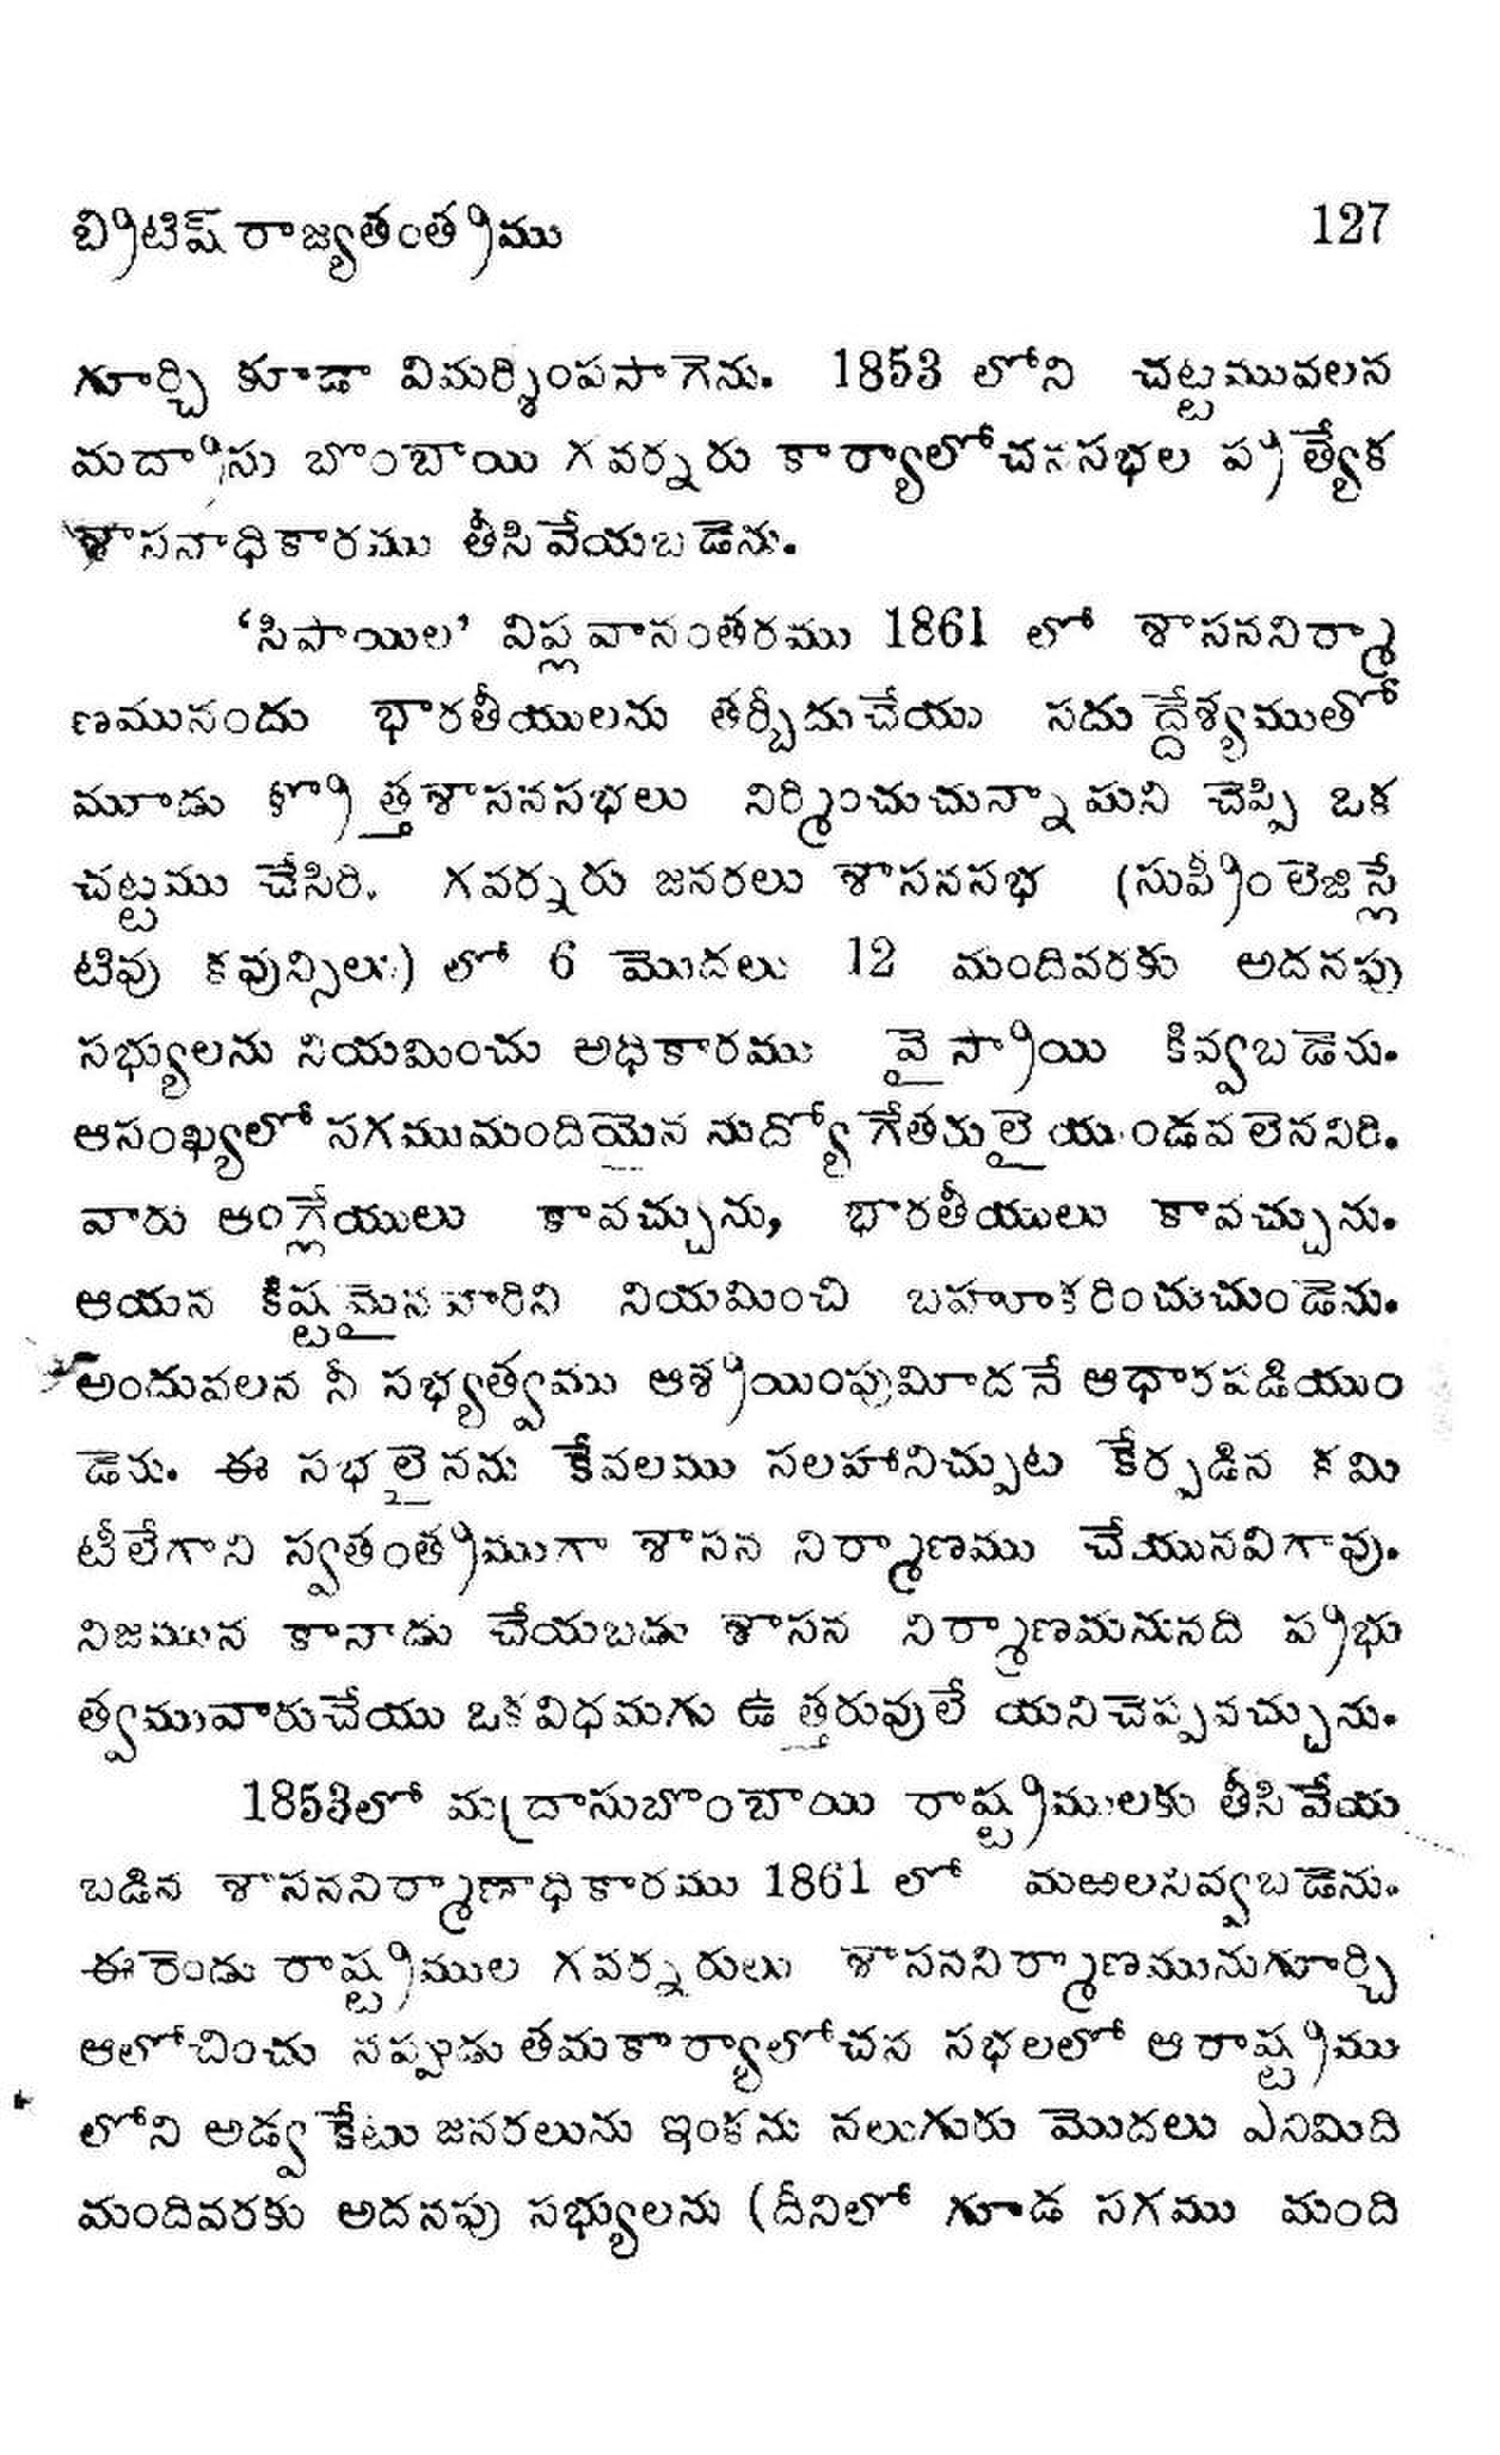గూర్చి కూడా విమర్శింపసాగెను. 1853 లోని చట్టమువలన మద్రాసు బొంబాయి గవర్నరు కార్యాలోచనసభల ప్రత్యేక శాసనాధికారము తీసివేయబడెను. -

'సిపాయిల' విప్లవానంతరము 1861 లో శాసననిర్మాణమునందు భారతీయులను తర్బీదుచేయు సదుద్దేశ్యముతో మూడు క్రొత్తశాసనసభలు నిర్మించుచున్నామని చెప్పి ఒక చట్టము చేసిరి. గవర్నరు జనరలు శాసనసభ (సుప్రీం లెజిస్లే టివు కవున్సిలు) లో 6 మొదలు 12 మందివరకు అదనపు సభ్యులను నియమించు అధికారము వైస్రాయి కివ్వబడెను. ఆసంఖ్యలో సగముమందియైన నుద్యోగేతరులైయుండవలెననిరి. వారు ఆంగ్లేయులు కావచ్చును, భారతీయులు కావచ్చును. ఆయన కిష్టమైనవారిని నియమించి బహూకరించుచుండెను. అందువలన నీ సభ్యత్వము ఆశ్రయింపుమీద నే ఆధారపడియుండెను. ఈ సభలైనను. కేవలము సలహానిచ్చుట కేర్పడిన కమిటీలేగాని స్వతంత్రముగా శాసన నిర్మాణము చేయునవిగావు. నిజమున కానాడు చేయబడు శాసన నిర్మాణమనునది ప్రభుత్వమువారుచేయు ఒకవిధమగు ఉత్తరువులే యనిచెప్పవచ్చును.

1858లో మద్రాసుబొంబాయి రాష్ట్రములకు తీసివేయబడిన శాసననిర్మాణాధికారము 1861 లో మఱలనివ్వబడెను. ఈరెండు రాష్ట్రముల గవర్నరులు శాసననిర్మాణమునుగూర్చి ఆలోచించునప్పుడు తమకార్యాలోచన సభలలో ఆరాష్ట్రములోని అడ్వకేటు జనరలును ఇంకను నలుగురు మొదలు ఎనిమిది మంది వరకు అదనపు సభ్యులను (దీనిలో గూడ సగము మంది
.